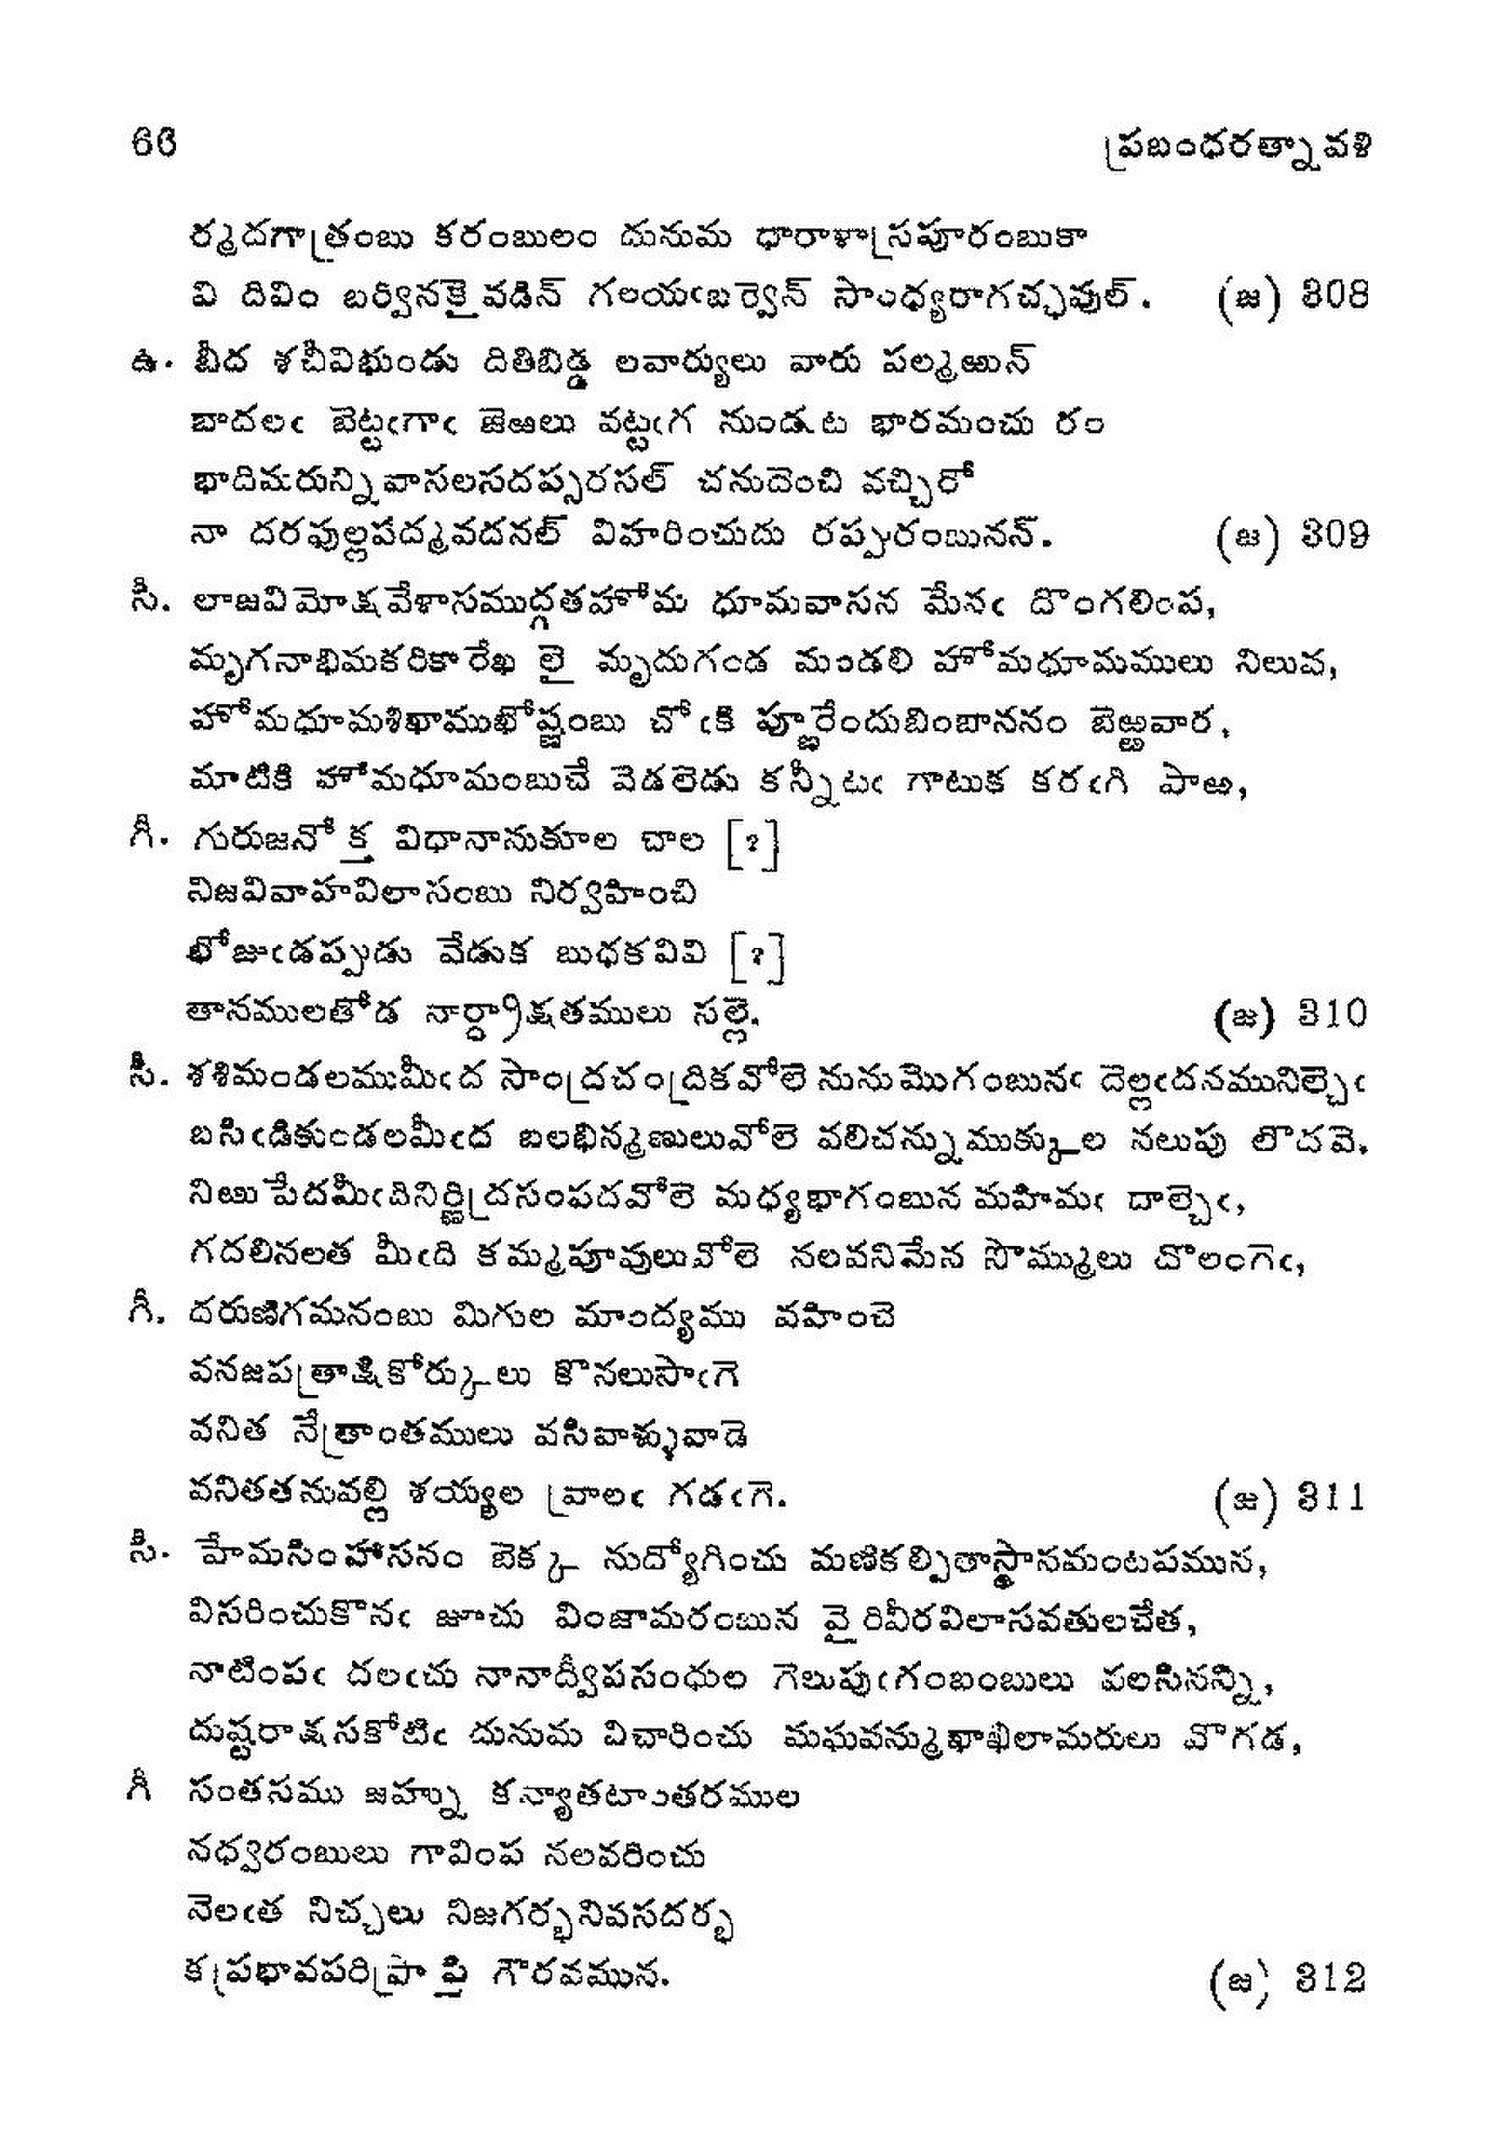ర్మదగాత్రంబు కరంబులం దునుమ ధారాళాస్రపూరంబు కా
వి దివిం బర్వినకైవడిన్ గలయఁబర్వెన్ సాంధ్యరాగచ్ఛవుల్. (జ) 308

ఉ. బీద శచీవిభుండు దితిబిడ్డ లవార్యులు వారు పల్మఱున్
బాధలఁ బెట్టఁగాఁ జెఱలు పట్టఁగ నుండుట భారమంచు రం
భాది మరున్నివాస లసదప్సరల్ చనుదెంచి వచ్చిరో
నా దరఫుల్లపద్మవదనల్ విహరించుదు రప్పురంబునన్. (జ) 309

సీ. లాజవిమోక్షవేళాసముద్గతహోమ ధూమవాసన మేనఁ దొంగలింప,
మృగనాభిమకరికారేఖలై మృదుగండమండలి హోమధూమములు నిలువ,
హోమధూమశిఖాముఖోష్ణంబు సోఁకి పూర్ణేందుబింబాననం బెఱ్ఱవార,
మాటికి హోమధూమంబుచే వెడలెడు కన్నీటఁ గాటుక కరఁగి పాఱ,
గీ. గురుజనోక్తవిధానానుకూల చాల[?]
నిజవివాహవిలాసంబు నిర్వహించి
భోజుఁ డప్పుడు వేడుక బుధకవి వి[?]
తానములతోడ నార్ద్రాక్షతములు చల్లె. (జ) 310

సీ. శశిమండలముమీఁద సాంద్రచంద్రికవోలె నునుమొగంబునఁ దెల్లఁదనము నిల్చె
బసిఁడికుండలమీఁద బలభిన్మణులువోలె వలిచన్నుముక్కుల నలుపు లొదవె
నిఱుపేదమీఁది నిర్ణిద్రసంపదవోలె మధ్యభాగంబున మహిమఁ దాల్చెఁ
గదలిన లతమీఁది కమ్మపూవులువోలె నలవనిమేన సొమ్ములు దొలంగెఁ
తే. దరుణిగమనంబు మిగుల మాంద్యము వహించె
వనజపత్రాక్షి కోర్కులు కొనలు సాఁగె
వనిత నేత్రాంతములు వసివాళ్ళు వాడె
రమణి తనువల్లి శయ్యల వ్రాలఁగడఁగె. (జ) 311

సీ. హేమసింహాసనం బెక్క నుద్యోగించు మణికల్పితాస్థానమంటపమున,
విసరించుకొనఁ జూచు వింజామరంబున వైరివీరవిలాసవతులచేత,
నాటింపఁ దలఁచు నానాద్వీపసంధుల గెలుపుఁగంబంబులు వలసినన్ని
దుష్టరాక్షసకోటిఁ దునుమ విచారించు మఘవన్ముఖాఖిలామరులు వొగడ
గీ. సంతసము జహ్ను కన్యాతటాంతరముల
నధ్వరంబులు గావింప నలవరించు
నెలఁత నిచ్చలు నిజగర్భనివసదర్భ
కప్రభావపరిప్రాప్తి గౌరవమున. (జ) 312